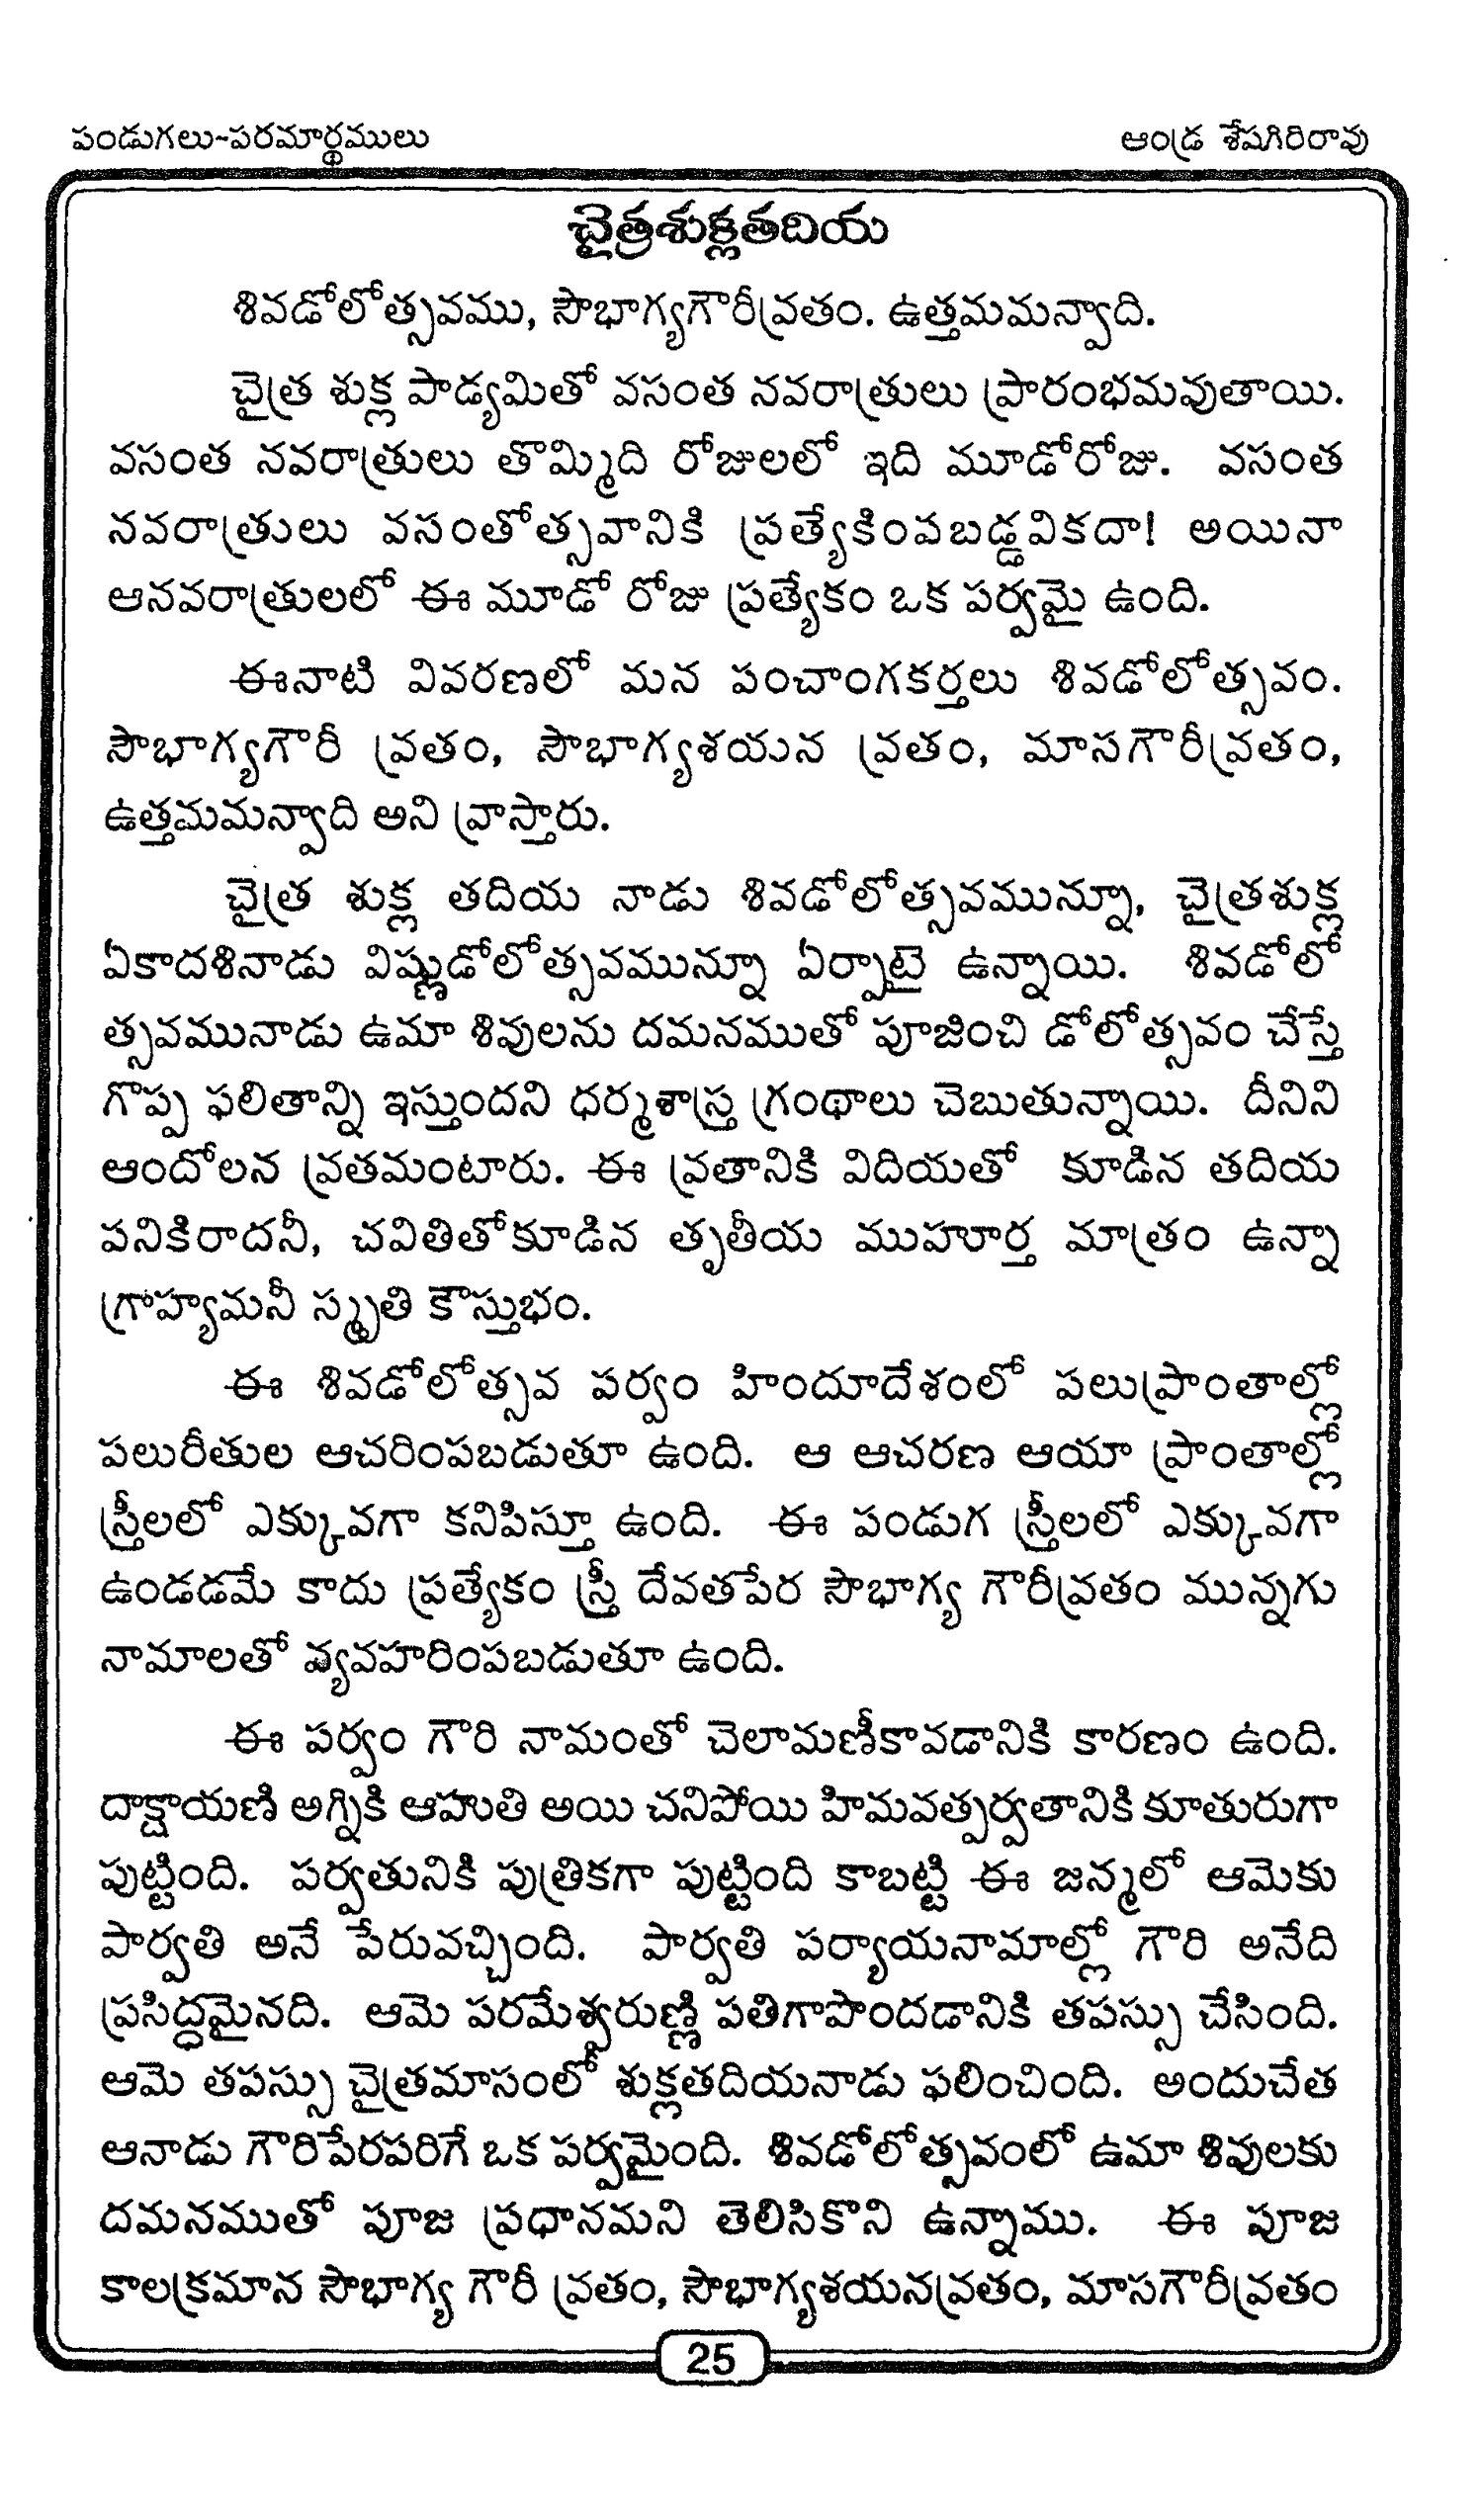శివడోలోత్సవము, సౌభాగ్యగౌరీవ్రతం, ఉత్తమమన్వాది.

చైత్ర శుక్ల పాడ్యమితో వసంత నవరాత్రులు ప్రారంభమవుతాయి. వసంత నవరాత్రులు తొమ్మిది రోజులలో ఇది మూడోరోజు. వసంత నవరాత్రులు వసంతోత్సవానికి ప్రత్యేకింపబడ్డవి కదా ! అయినా ఆ నవరాత్రులలో ఈ మూడో రోజు ప్రత్యేకం ఒక పర్వమై ఉంది.

ఈనాటి వివరణలో మన పంచాంగకర్తలు శివడోలోత్సవం, సౌభాగ్యగౌరీ వ్రతం, సౌభాగ్యశయన వ్రతం, మాసగౌరీ వ్రతం, ఉత్తమ మన్వాది అని వ్రాస్తారు.

చైత్ర శుక్ల తదియ నాడు శివడోలోత్సవమున్నూ, చైత్ర శుక్ల ఏకాదశినాడు విష్ణుడోలోత్సవమున్నూ ఏర్పాటై ఉన్నాయి. శివడోలోత్సవమునాడు ఉమా శివులను దమనముతో పూజించి డోలోత్సవం చేస్తే గొప్ప ఫలితాన్ని ఇస్తుందని ధర్మశాస్త్ర గ్రంథాలు చెబుతున్నాయి. దీనిని ఆందోలన వ్రతమంటారు. ఈ వ్రతానికి విదియతో కూడిన తదియ పనికిరాదని, చవితితో కూడిన తృతీయ ముహూర్త మాత్రం ఉన్నా గ్రాహ్యమని స్మృతి కౌస్తుభం.

ఈ డోలోత్సవ పర్వం హిందూదేశంలో పలుప్రాంతాల్లో పలురీతుల ఆచరింపబడుతూ ఉంది. ఆ ఆచరణ ఆయా ప్రాంతాల్లో స్త్రీలలో ఎక్కువగా కనిపిస్తూ ఉంది. ఈ పండుగ స్త్రీలలో ఎక్కువగా ఉండడమే కాదు ప్రత్యేకం స్త్రీ దేవతపేర సౌభాగ్య గౌరీవ్రతం మున్నగు నామాలతో వ్యవహరింపబడుతూ ఉంది. 

ఈ పర్వం గౌరీ నామంతో చెలామణీ కావడానికి కారణం ఉంది. దాక్షాయణి అగ్నికి ఆహుతి అయి చనిపోయి హిమవత్పర్వతానికి కూతురుగా పుట్టింది. పర్వతునికి పుత్రికగా పుట్టింది కాబట్టి ఈ జన్మలో ఆమెకు పార్వతి అనే పేరువచ్చింది. పార్వతి పర్యాయనామాల్లో గౌరి అనేది ప్రసిద్ధమైనది. ఆమె పరమేశ్వరుణ్ణి పతిగా పొందడానికి తపస్సు చేసింది. ఆమె తపస్సు చైత్రమాసంలో శుక్ల తదియనాడు ఫలించింది. అందుచేత ఆనాడు గౌరి పేరజరిగే ఒక పర్వమైంది. శివడోలోత్సవంలో ఉమా శివులకు దమనముతో పూజ ప్రధానమని ఎలిసికొని ఉన్నాము. ఈ పూజ కాలక్రమాన సౌభాగ్య గౌరీ వ్రతం, సౌభాగ్య శయన వ్రతం, మాసగౌరీ వ్రతం